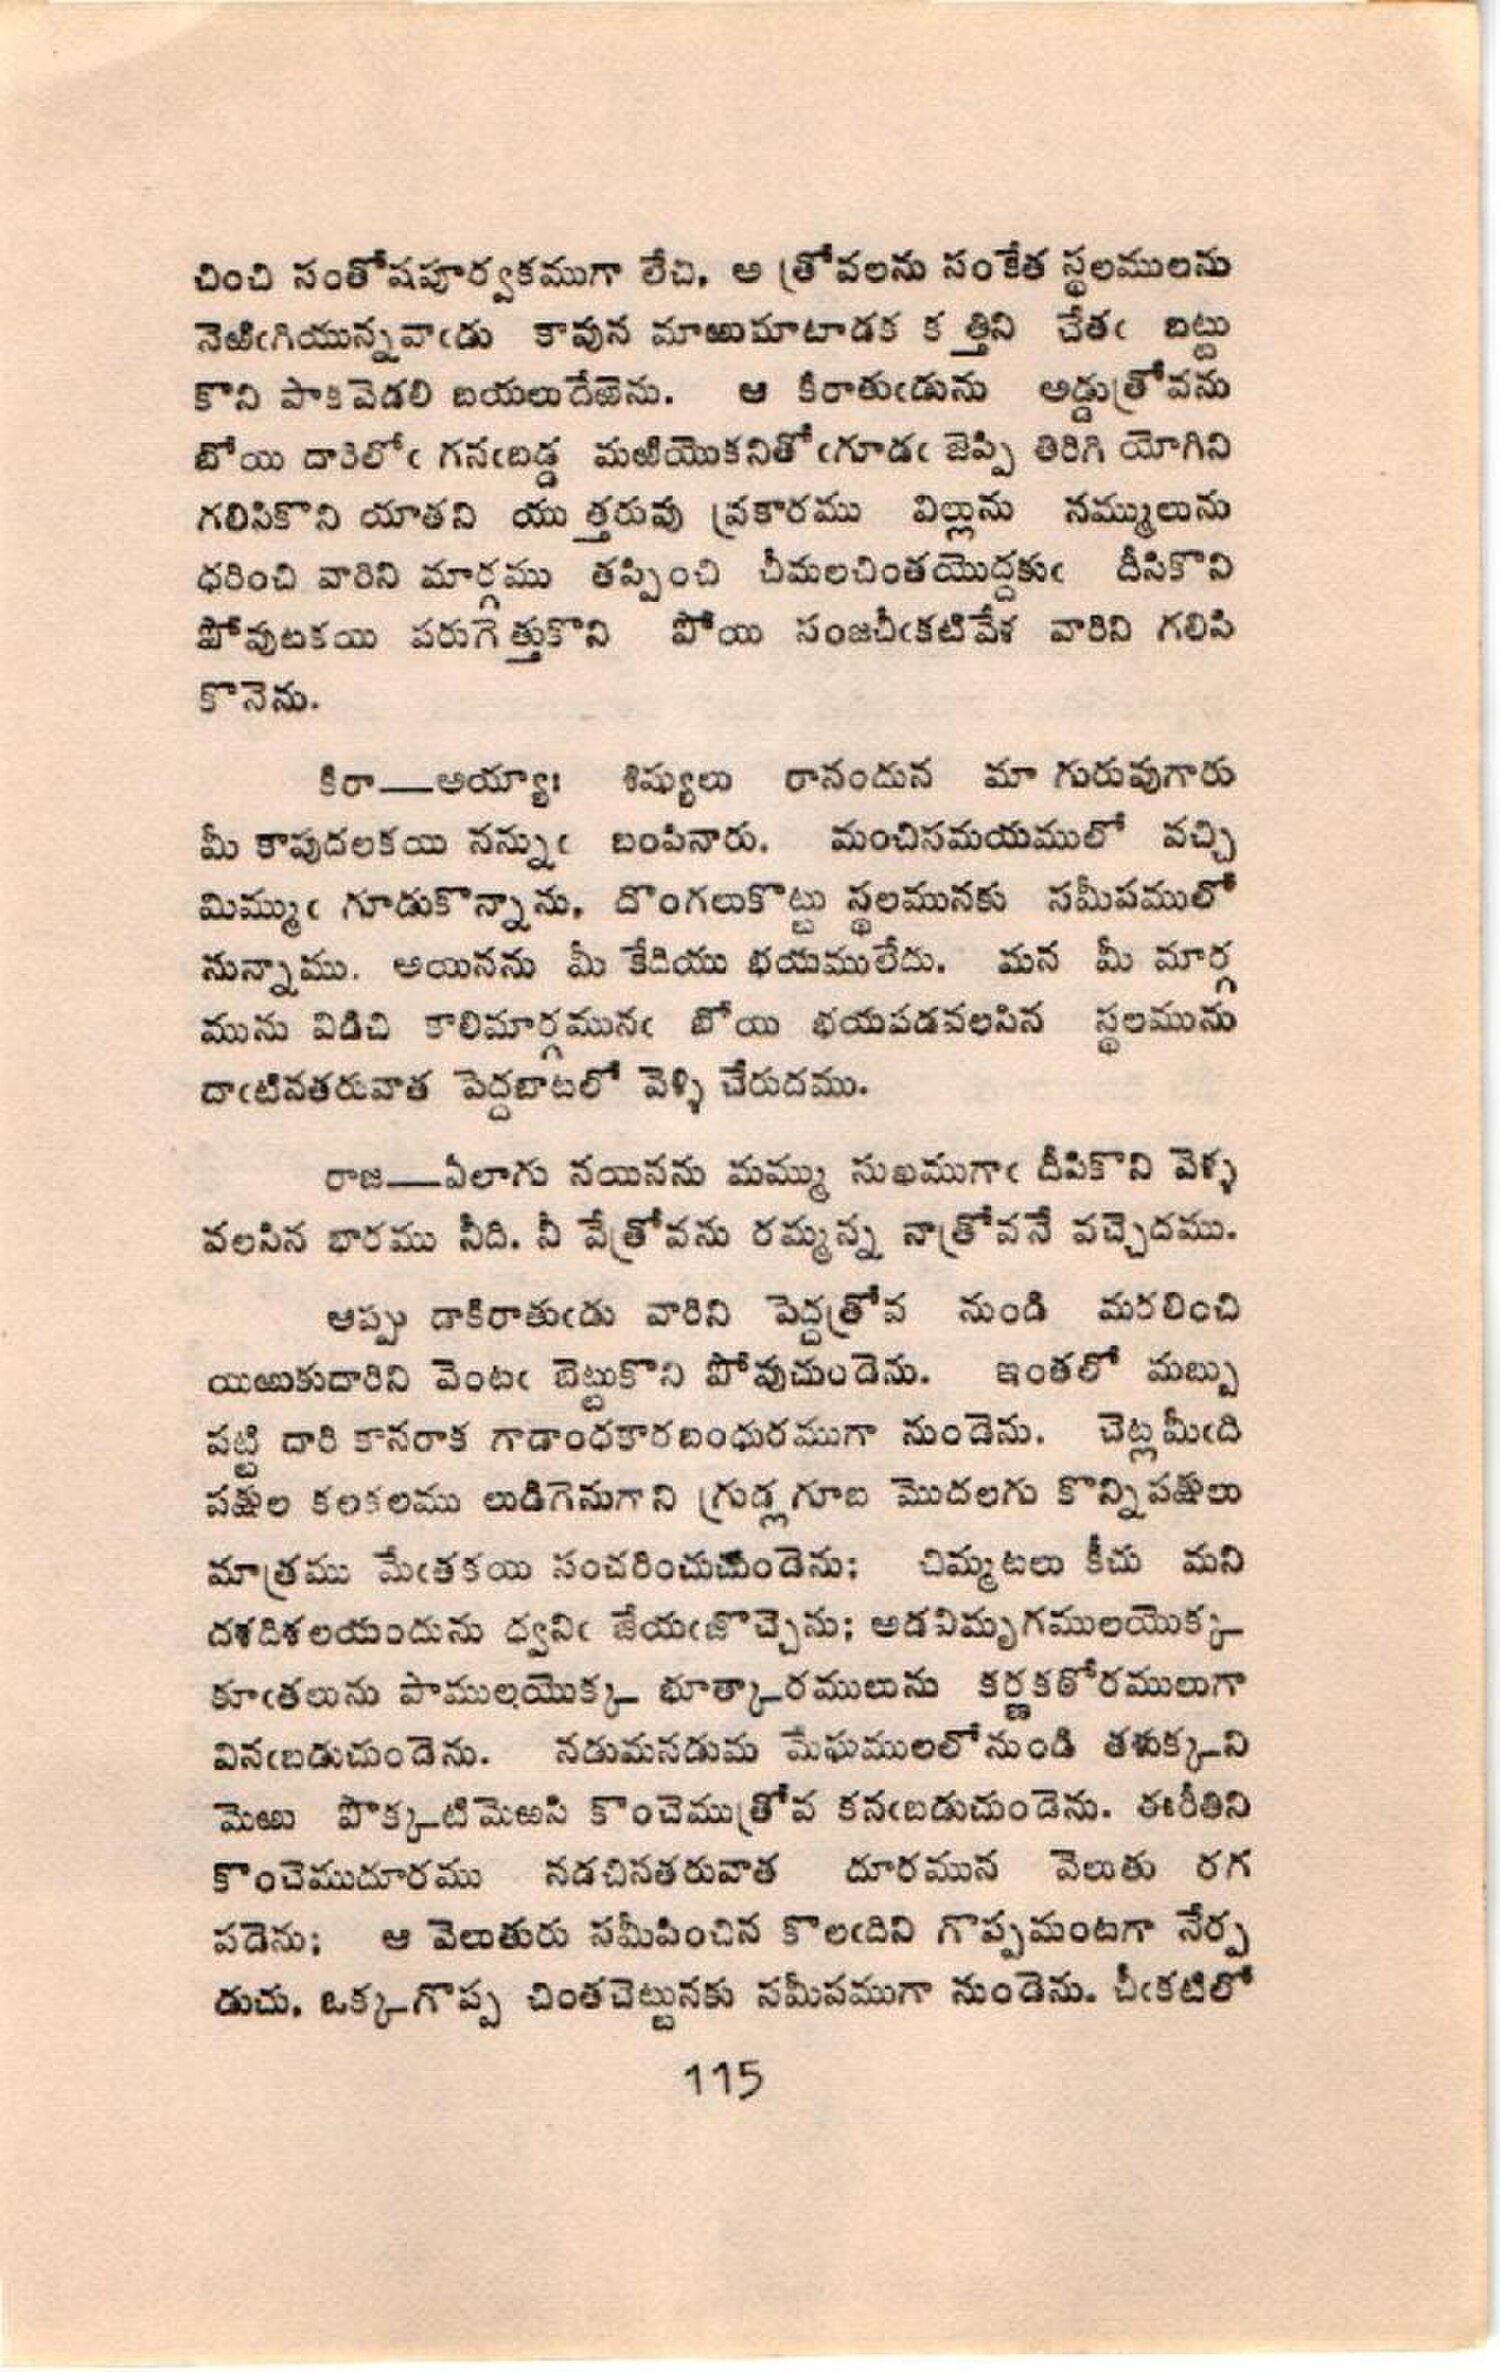చించి సంతోషపూర్వకముగా లేచి, ఆ త్రోవలను సంకేత స్థలములను నెఱిగియున్నవాఁడు కావున మాఱుమాటాడక కత్తిని చేతఁ బట్టు కొని పాకవెడలి బయలుదేఱెను. ఆ కిరాతుఁడును అడ్డత్రోవను బోయి దారిలోఁ గనఁబడ్డ మఱియొకనితోఁగూడఁజెప్పి తిరిగి యోగిని గలిసికొని యాతని యుత్తరువు వ్రకారము విల్లును నమ్ములును ధరించి వారిని మార్గము తప్పించి చీమలచింతయెద్దకుఁ దీసికొని పోవుటకయి పరుగెత్తుకొని పోయి సంజచీఁకటి వేళ వారిని గలిసి కొనెను.

కిరా__అయ్యా! శిష్యులు రానందున మా గురువుగారు మీ కాపదలకయి నన్నుఁ బంపినారు. మంచిసమయములో వచ్చి మిమ్ముఁ గూడుకొన్నాను. దొంగలుకొట్టు స్థలమునకు సమీపములో నున్నాము. అయినను మీకేదియు భయములేదు. మన మీ మార్గమును విడిచి కాలిమార్గమునఁ బోయి భయపడవలసిన స్థలమును దాఁటినతరువాత పెద్దబాటలో వెళ్ళి చేరుదము.

రాజ__ఏలాగు నయినను మమ్ము సుఖముగాఁ దీసికొని వెళ్ళ వలసిన భారము నీది. నీ వేత్రోవను రమ్మన్న నాత్రోవనే వచ్చెదము.

అప్పు డాకిరాతుఁడు వారిని పెద్ద త్రోవ నుండి మరలించి యిఱుకుదారిని వెంటఁ బెట్టుకొని పోవుచుండెను. ఇంతలో మబ్బు పట్టి దారి కానరాక గాడాంధకార బంధురముగా నుండెను. చెట్లమీఁది పక్షుల కలకలము లుడిగెనుగాని గ్రుడ్లగూబ మొదలగు కొన్ని పక్షులు మాత్రము మేతకయి సంచరించుచుండెను; చిమ్మటలు కీచు మని దశదిశలయందును ధ్వనిఁ జేయఁజొచ్చెను; అడవిమృగముల యొక్కకూతలును పాముల యొక్క భూత్కారములను కర్ణకఠోరములుగా వినఁబడుచుండెను. నడుమనడుమ మేఘములలోనుండి తళుక్కని మెఱు పొక్కటి మెఱసి కొంచెము త్రోవ కనఁబడుచుండెను. ఈరీతిని కొంచెము దూరము నడచినతరువాత దూరమున వెలుతు రగ పడెను; ఆ వెలుతురు సమీపించిన కొలఁదిని గొప్పమంటగా నేర్ప డుచు, ఒక్క గొప్ప చింతచెట్టునకు సమీపముగా నుండెను. చీకటిలో